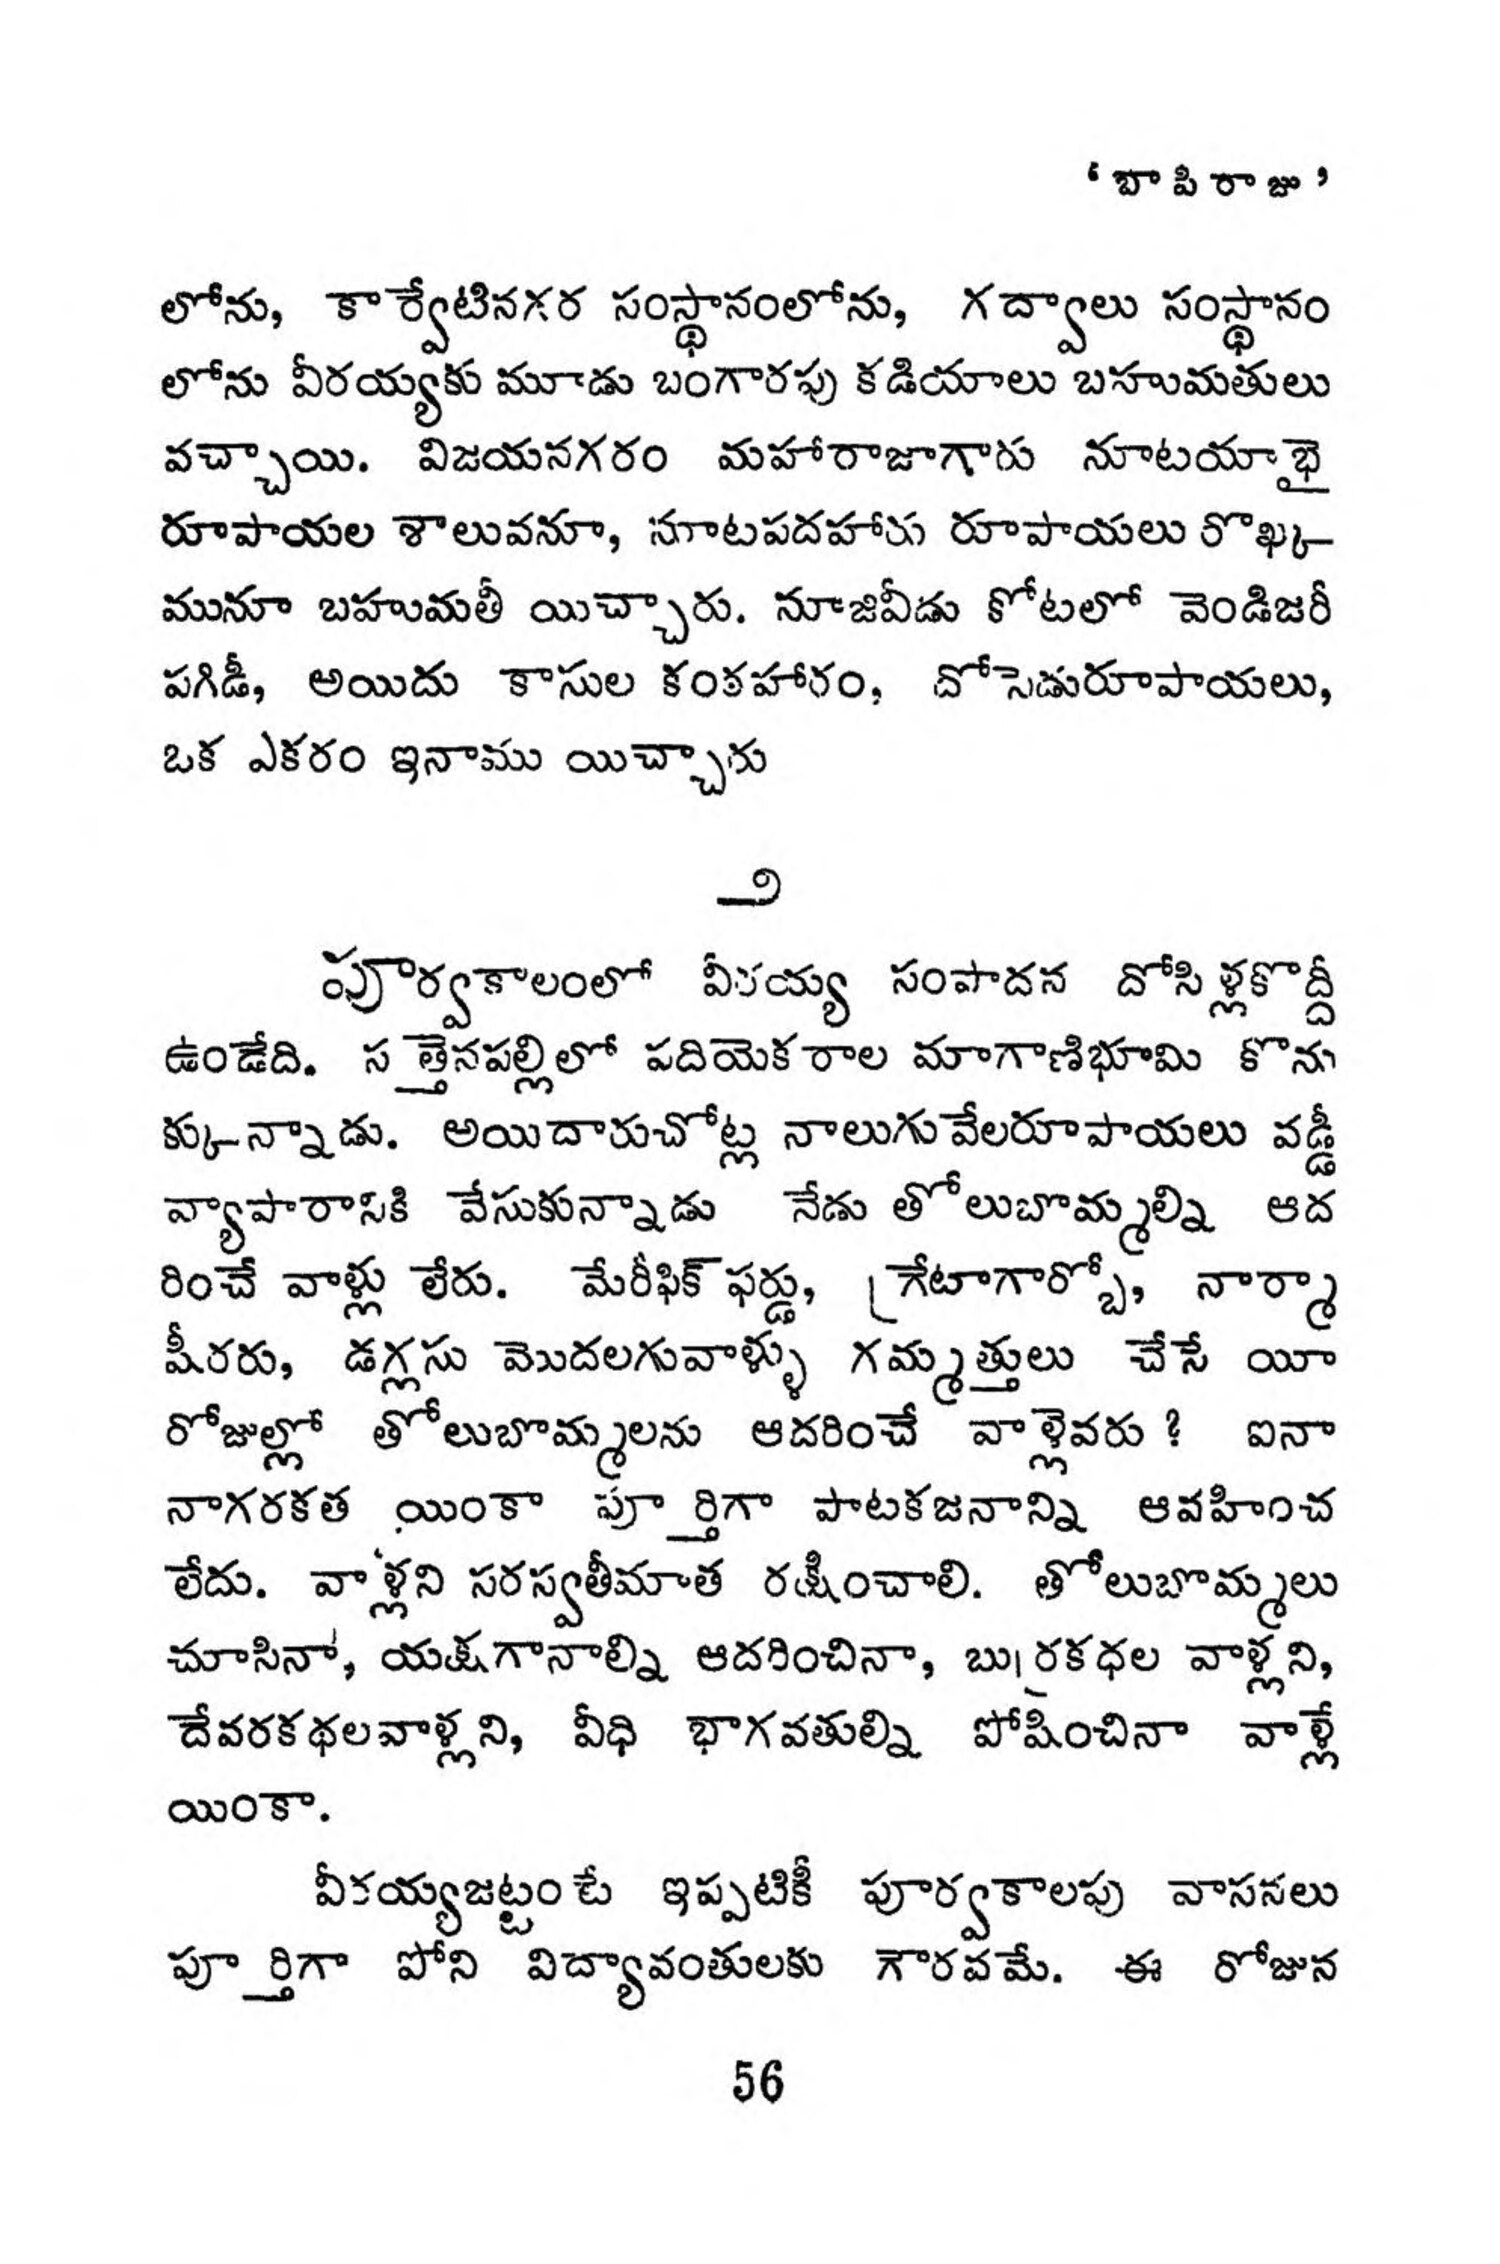లోను, కార్వేటినగర సంస్థానంలోను, గద్వాలు సంస్థానంలోను వీరయ్యకు మూడు బంగారపు కడియాలు బహుమతులు వచ్చాయి. విజయనగరం మహారాజాగారు నూటయాభై రూపాయల శాలువానూ, నూటపదహారు రూపాయలు రొఖ్కమునూ బహుమతీ యిచ్చారు. నూజివీడు కోటలో వెండిజరీ పగిడీ, అయిదు కాసుల కంఠహారం, దోసెడురూపాయలు, ఒక ఎకరం ఇనాము యిచ్చారు.

2
పూర్వకాలంలో వీరయ్య సంపాదన దోసిళ్లకొద్దీ ఉండేది. సత్తెనపల్లిలో పదియెకరాల మాగాణిభూమి కొనుక్కున్నాడు. అయిదారుచోట్ల నాలుగువేలరూపాయలు వడ్డీ వ్యాపారానికి వేసుకున్నాడు. నేడు తోలుబొమ్మల్ని ఆదరించే వాళ్లు లేరు. మేరీఫిక్‌ఫర్డు, గ్రేటాగార్బో, నార్మా షీరరు, డగ్లసు మొదలగువాళ్ళు గమ్మత్తులు చేసే యీ రోజుల్లో తోలుబొమ్మలను ఆదరించే వాళ్లెవరు? ఐనా నాగరకత యింకా పూర్తిగా పాటకజనాన్ని ఆవహించ లేదు. వాళ్లని సరస్వతీమాత రక్షించాలి. తోలుబొమ్మలు చూసినా, యక్షగానాల్ని ఆదరించినా, బుర్రకథల వాళ్లని, దేవరకథలవాళ్లని, వీధి భాగవతుల్ని పోషించినా వాళ్లే యింకా.

వీరయ్యజట్టంటే ఇప్పటికీ పూర్వకాలపు వాసనలు పూర్తిగా పోని విద్యావంతులకు గౌరవమే. ఈ రోజున